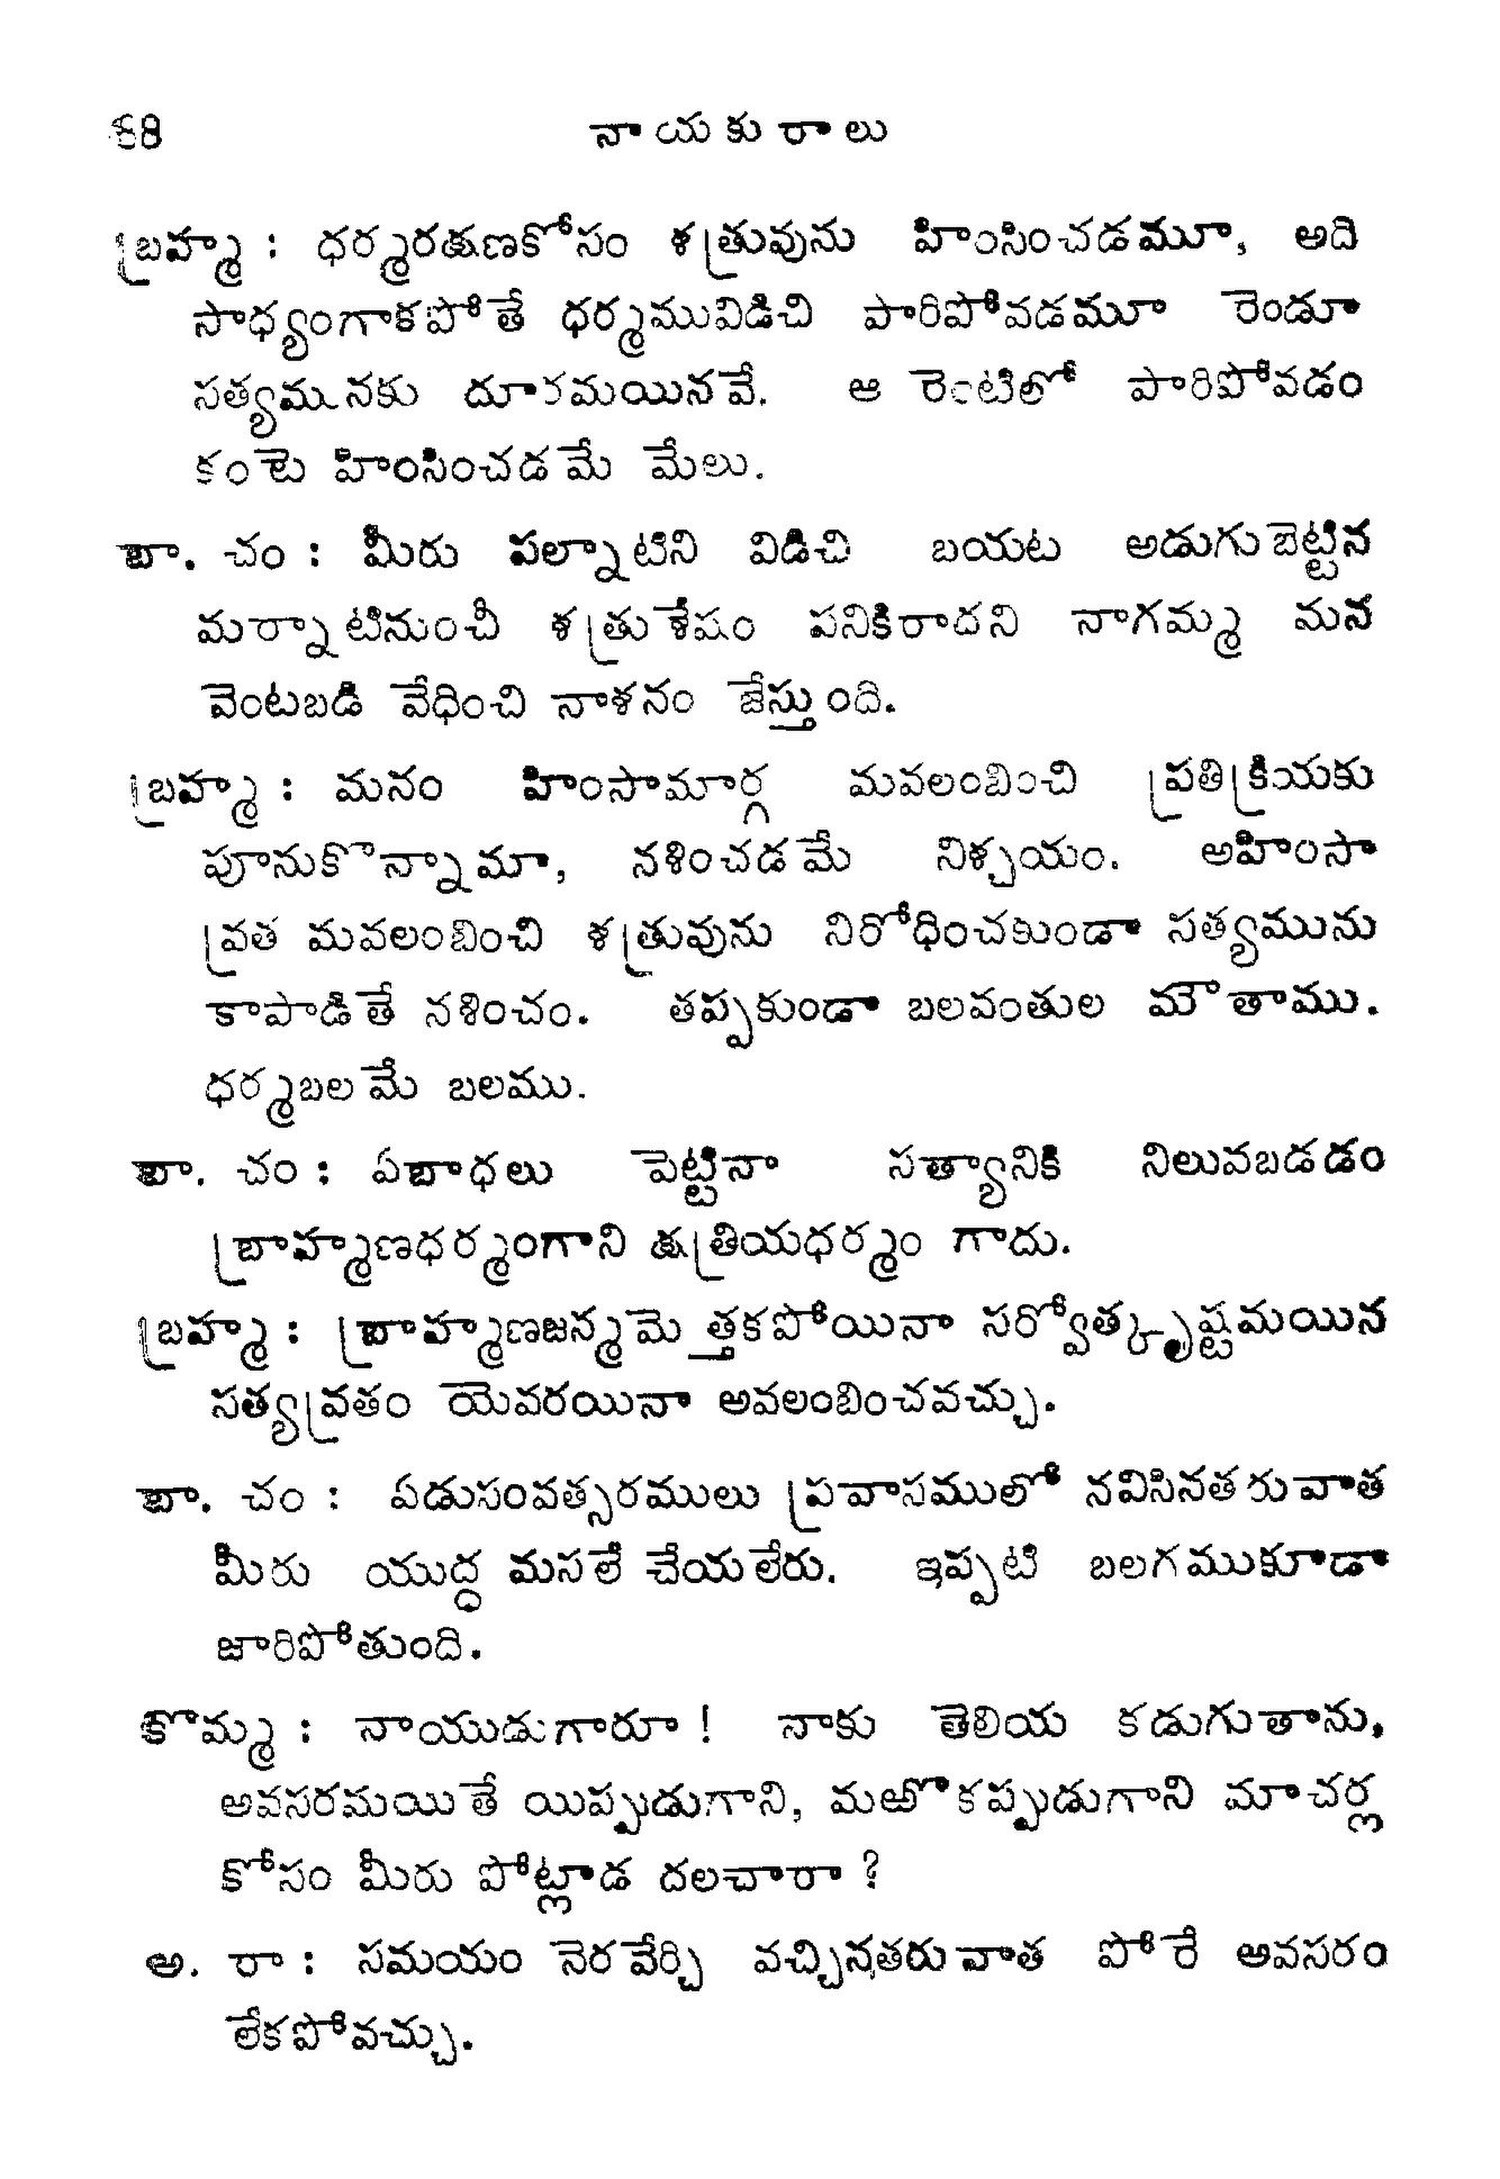బ్రహ్మ : ధర్మరక్షణకోసం శత్రువును హింసించడమూ, అది సాధ్యంగాకపోతే ధర్మమువిడిచి పారిపోవడమూ రెండూ సత్యమునకు దూరమయినవే. ఆ రెంటిలో పారిపోవడం కంటె హింసించడమే మేలు.

బా. చం : మీరు పల్నాటిని విడిచి బయట అడుగుబెట్టిన మర్నాటినుంచీ శత్రు శేషం పనికిరాదని నాగమ్మ మన వెంటబడి వేధించి నాశనం జేస్తుంది.

బ్రహ్మ : మనం హింసామార్గ మవలంబించి ప్రతిక్రియకు పూనుకొన్నామా, నశించడమే నిశ్చయం. అహింసావ్రత మవలంబించి శత్రువును నిరోధించకుండా సత్యమును కాపాడితే నశించం. తప్పకుండా బలవంతుల మౌతాము. ధర్మబలమే బలము.

బా. చం : ఏబాధలు పెట్టినా సత్యానికి నిలువబడడం బ్రాహ్మణధర్మంగాని క్షత్రియధర్మం గాదు.

బ్రహ్మ : బ్రాహ్మణజన్మమెత్తకపోయినా సర్వోత్కృష్టమయిన సత్యవ్రతం యెవరయినా అవలంబించవచ్చు.

బా. చం : ఏడుసంవత్సరములు ప్రవాసములో నవిసినతరువాత మీరు యుద్ద మసలే చేయలేరు.
ఇప్పటి బలగముకూడా జారిపోతుంది.

కొమ్మ : నాయుడుగారూ ! నాకు తెలియ కడుగుతాను, అవసరమయితే యిప్పుడుగాని, మఱొకప్పుడుగాని మాచర్ల కోసం మీరు పోట్లాడ దలచారా ?

అ. రా : సమయం నెరవేర్చి వచ్చినతరువాత పోరే అవసరం లేకపోవచ్చు.